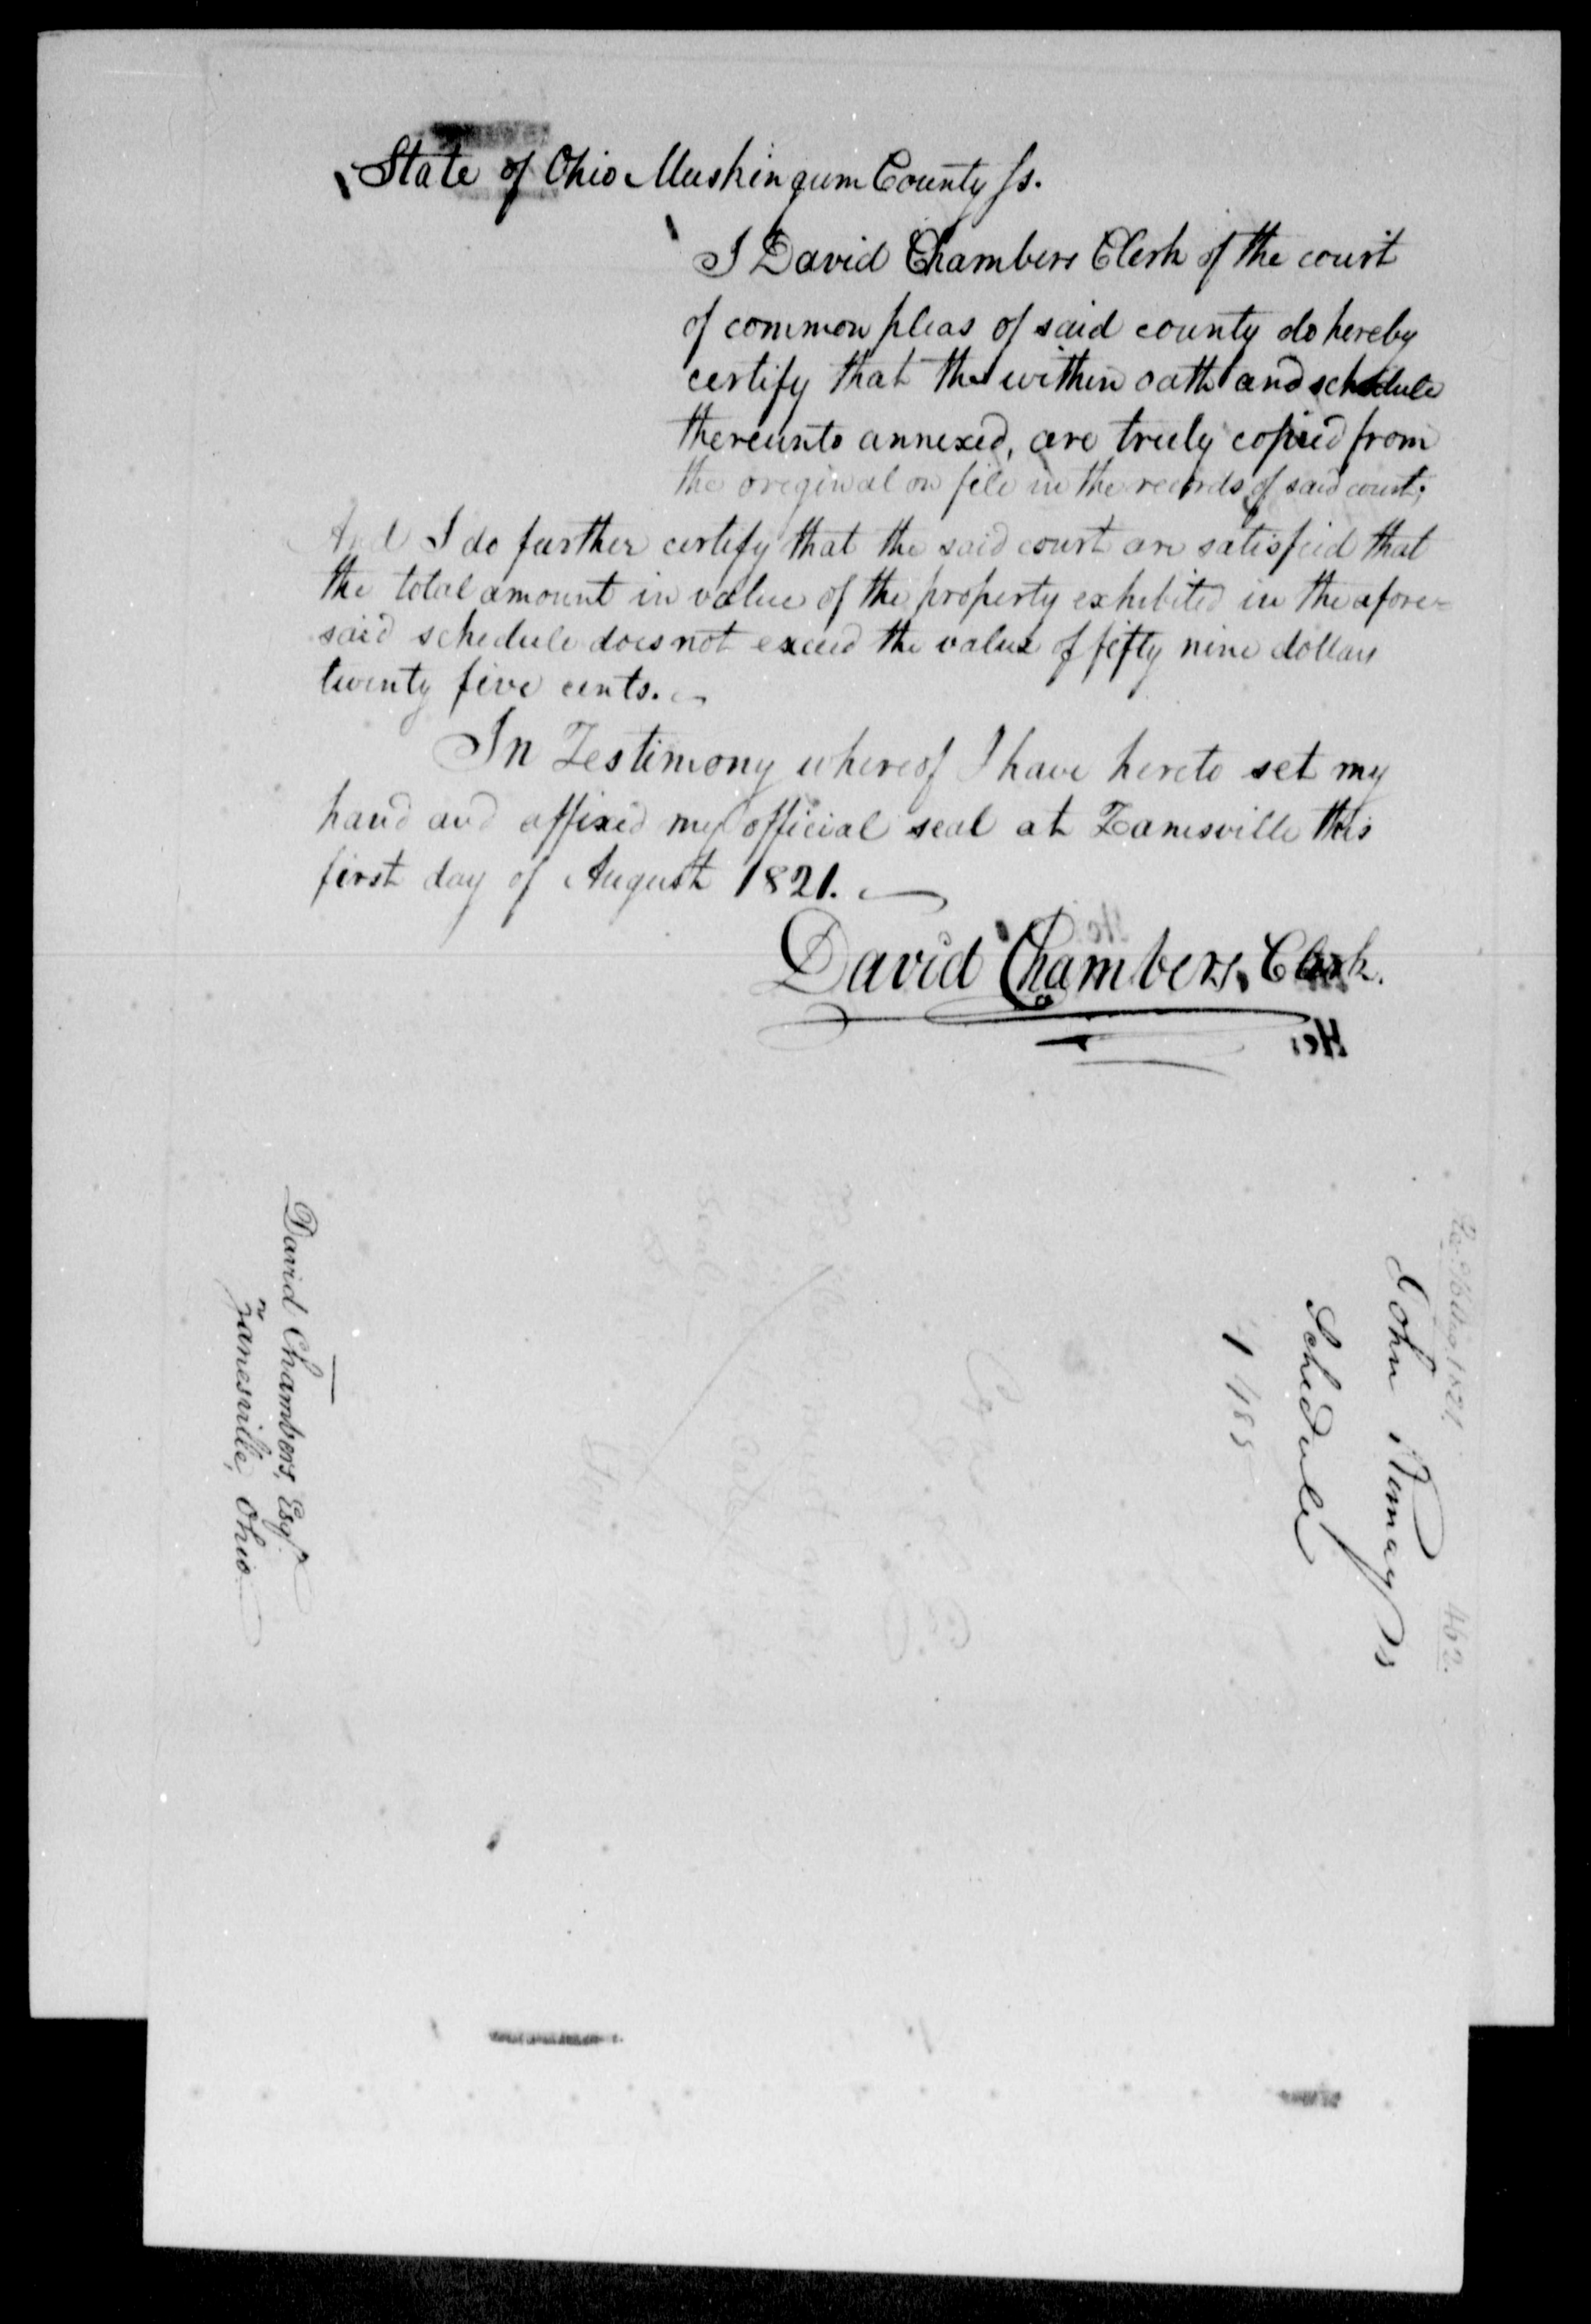State of Ohio Muskingum County SS.
I David Chambers Clerk of the court of common pleas of said county do hereby certify that the within oath and schedule thereunto annexed, are truly copied from the original on file in the records of said court
And I do further certify that the said court are satisfied that the total amount in value of the property exhibited in the aforesaid schedule does not exceed the value of fifty nine dollars twenty five cents.-
In Testimony whereof I have hereto set my hand and affixed my official seal at Zanesville this first day of August 1821.-
David Chambers Clerk.

462.
John Remay's
Schedule
1485
David Chambers, Esqr.
Zanesville, Ohio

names: David Chambers; John Remay; David Chambers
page: 4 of 84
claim: widow's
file: W.11104, for John Remay, Virginia